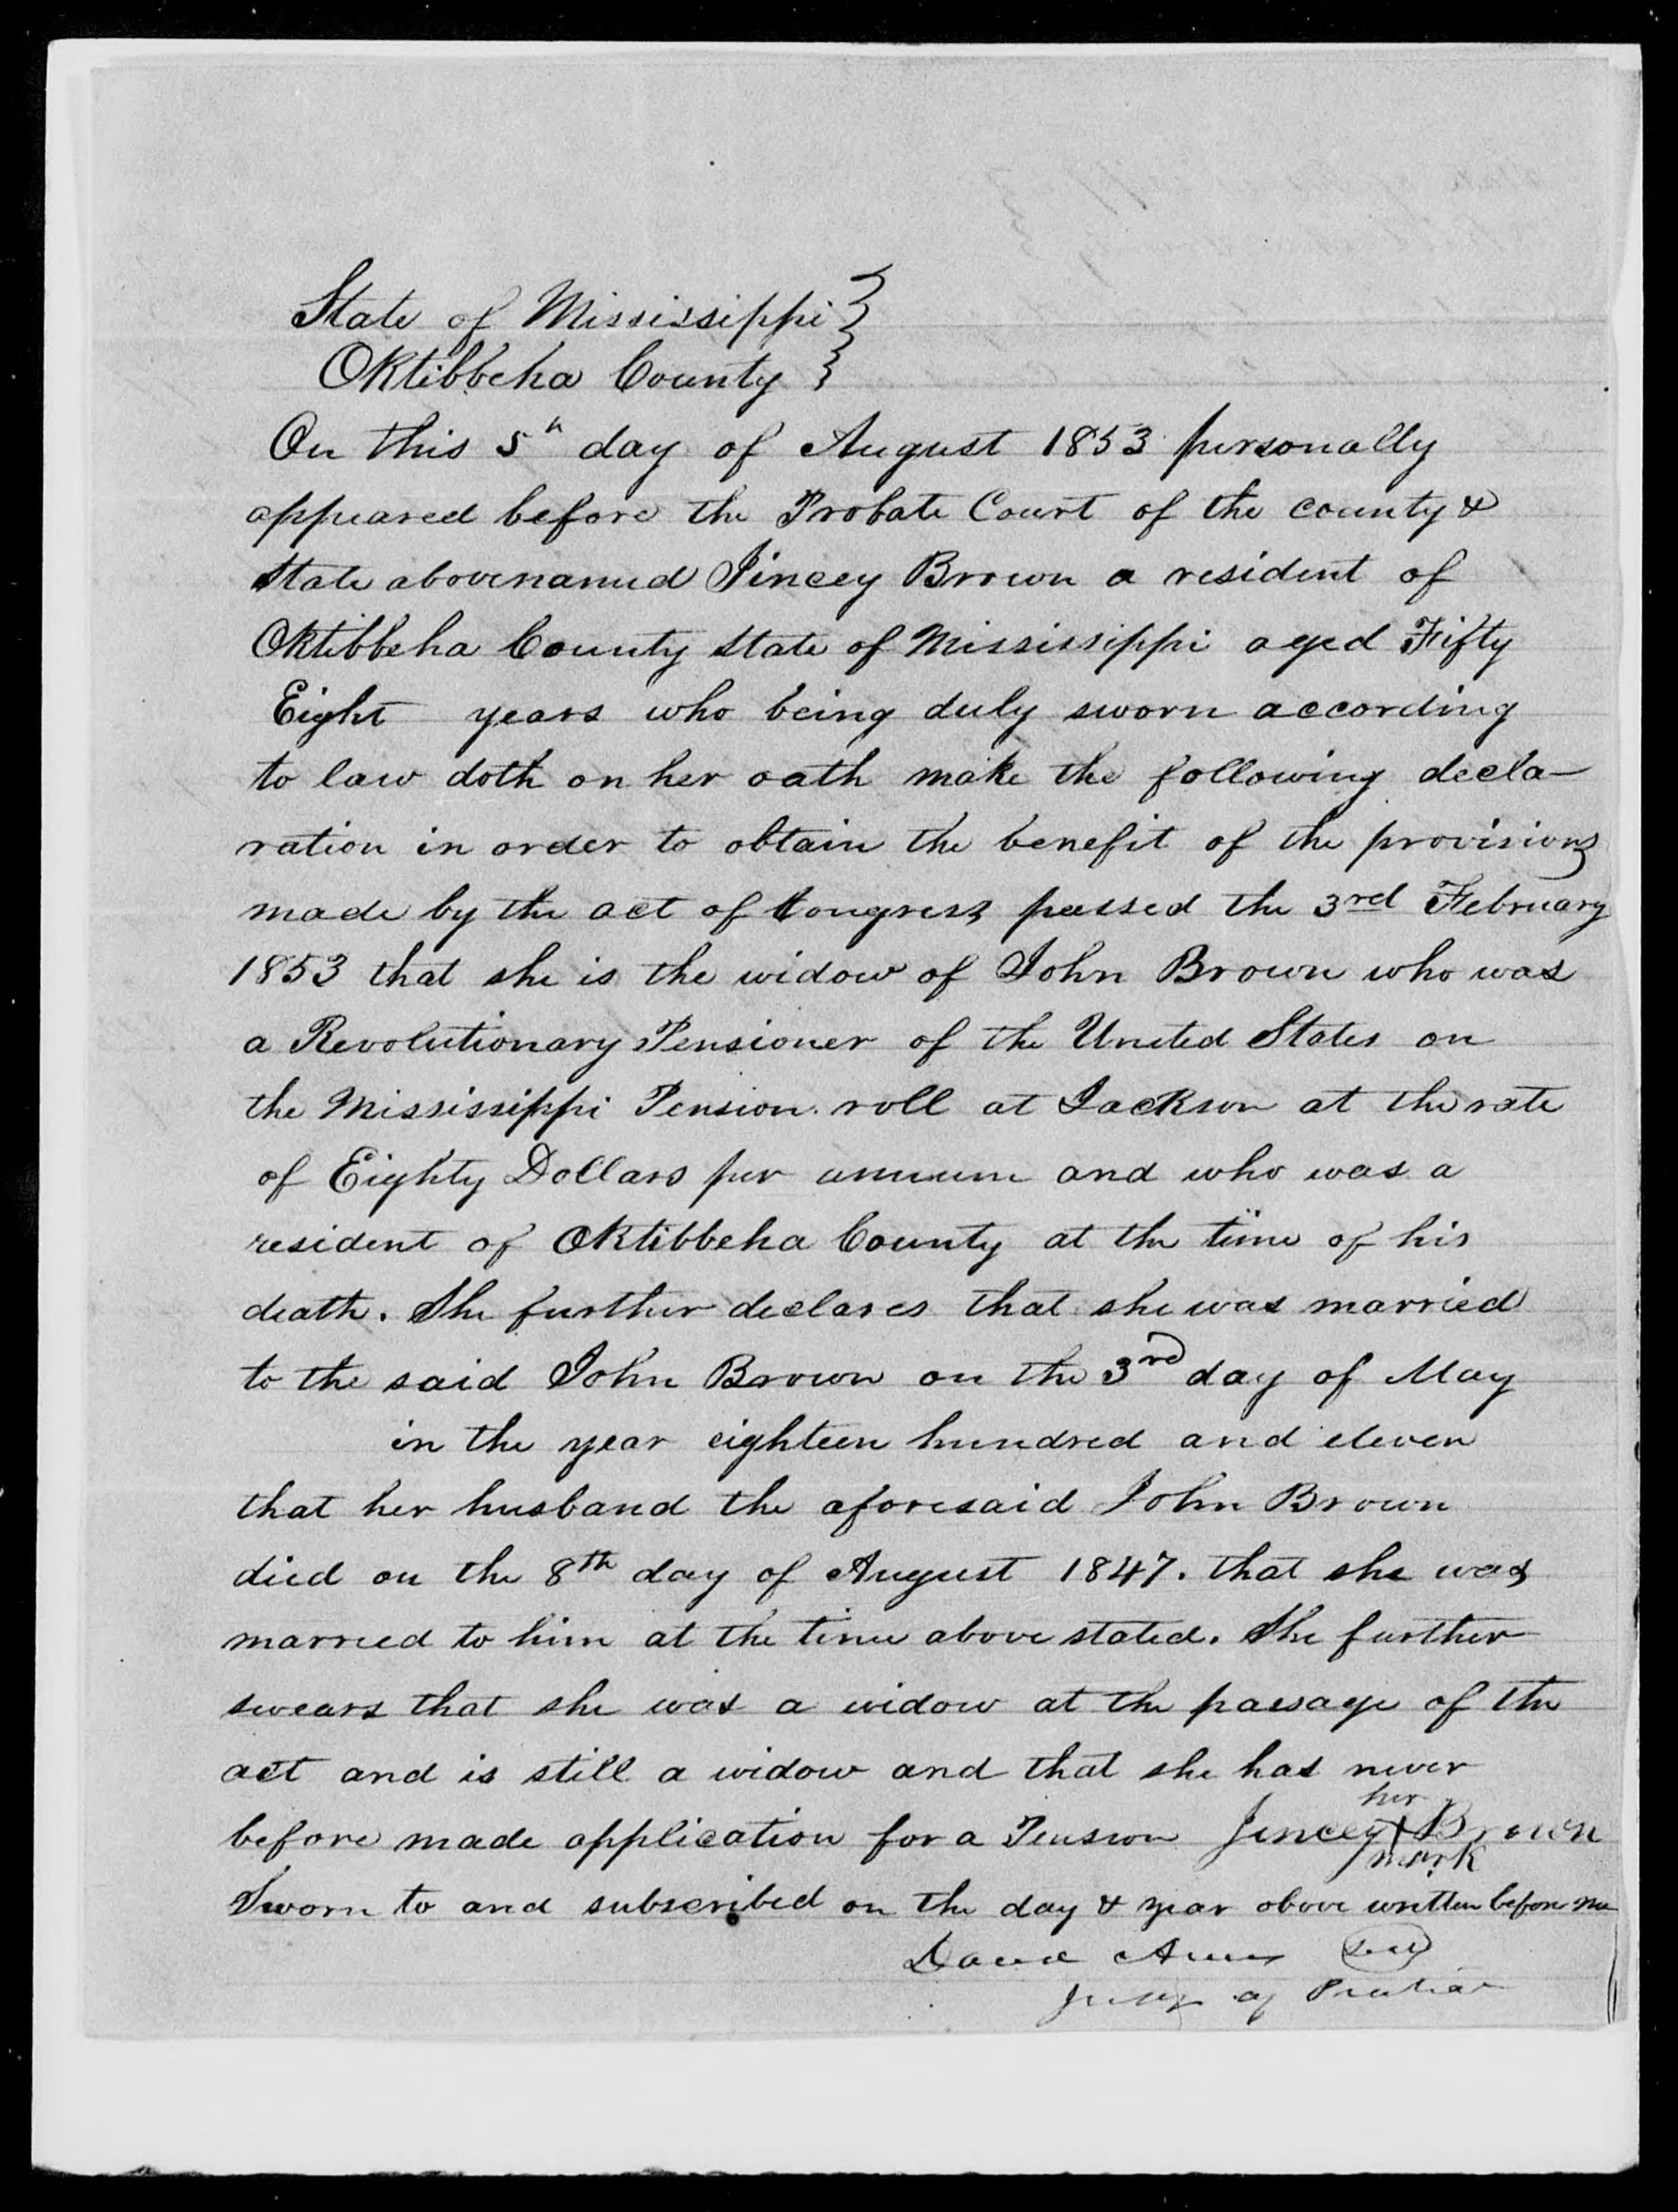State of Mississippi Oktibbeha County
On this 5th day of August 1853 personally appeared before the Probate Court of the county &
State abovenamed Jincey Brown a resident of Oktibbeha County State of Mississippi aged Fifty Eight years who being duly sworn according
to law doth on her oath make the following declaration
in order to obtain the benefit of the provisions
made by the act of Congress passed the 3rd February
1853 that she is the widow of John Brown who was a
Revolutionary Pensioner of the United States on
the Mississippi Pension roll at Jackson at the rate
of Eighty Dollars per annum and who was a
resident of Oktibbeha County at the time of his
death. She further declares that she was married
to the said John Brown on the 3rd day of May
in the year eighteen hundred and eleven
that her husband the aforesaid John Brown
died on the 8th day of August 1847. that she was
married to him at the time above stated. She further
swears that she was a widow at the passage of the
act and is still a widow and that she has never
before made application for a Pension 
Jincey Brown
her X mark
Sworn to and subscribed on the day & year above written before me
David Ames
Judge of Probate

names: John Brown, David Ames, Jincey Brown, John Brown, Jincey Brown, John Brown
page: 12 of 85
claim: widow's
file: W. 5,906, John Brown, S.C.